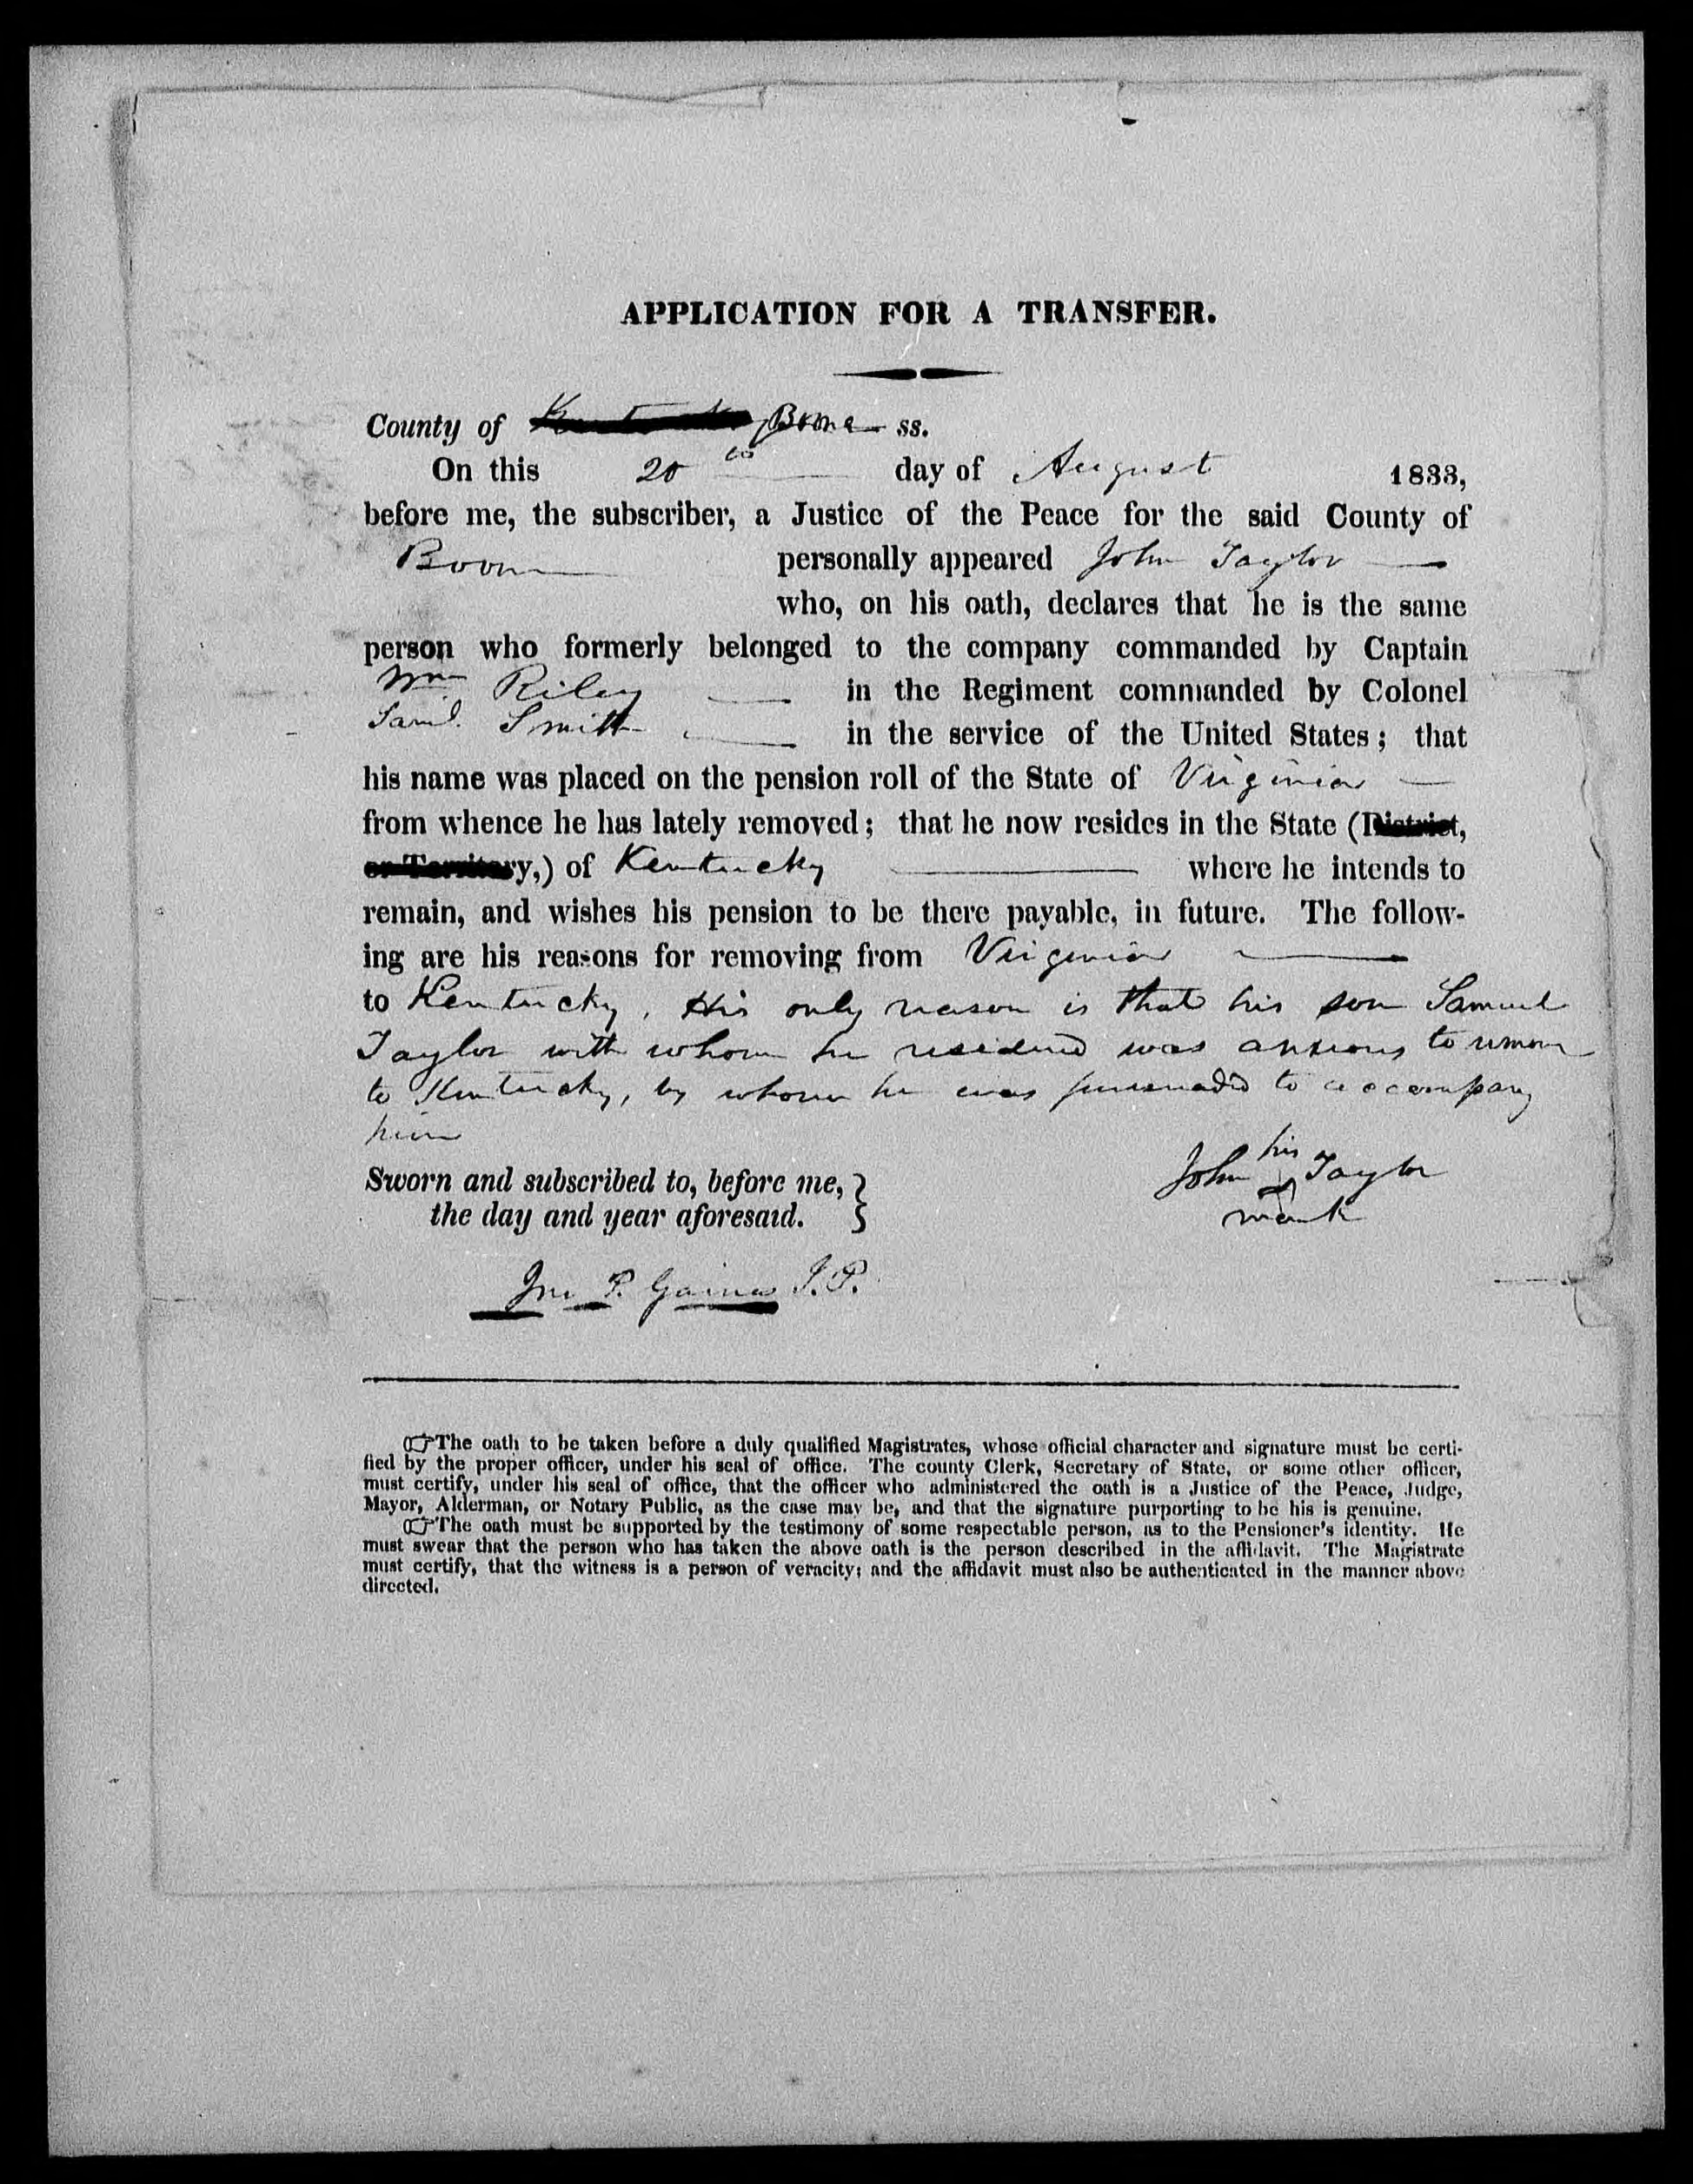APPLICATION FOR A TRANSFER.

County of [struck out: Kentucky] Boone ss.

On this 20th day of August 1833, 
before me, the subscriber, a Justice of the Peace for the said County of 
Boone personally appeared John Taylor 
who, on his oath declares that he is the same 
person who formerly belonged to the company commanded by Captain 
Wm. Riley in the Regiment commanded by Colonel 
Saml. Smith in the service of the United States; that 
his name was placed on the pension roll of the State of Virginia 
from whence he lately removed; that he now resides in the State ([struck out: District, 
or Territory],) of Kentucky where he intends to 
remain, and wishes his pension to be there payable, in the future.  The follow
ing are his reasons for removing from Virginia 
to Kentucky, His only reason is that his son Samuel 
Taylor with whom he resided was anxious to remove  
to Kentucky, by whom he was persuaded to accompany 
him
Sworn and subscribed to, before me, }  John his X mark Taylor
the day and year aforesaid. }
Jno. P.Gaines J.P.
____________________
👉The oath to be taken before a duly qualified Magistrates, whose official character and signature must be certi
fied by the proper officer, under his seal of office.  The county Clerk, Secretary of State, or some other officer, 
must certify, under his seal of office, that the officer who administered the oath is a Justice of the Peace, Judge, 
Mayor, Alderman, or Notary Public, as the case may be, and that the signature purporting to be his is genuine.
👉The oath must be supported by the testimony of some respectable person, as to the Pensioner's identity.  He 
must swear that the person who has taken the above oath is the person described in the affidavit.  The Magistrate 
must certify, that the witness is a person of veracity; and the affidavit must also be authenticated in the manner above directed.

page: 12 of 18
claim: survivor's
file: S. 37,483, for John Taylor, Maryland